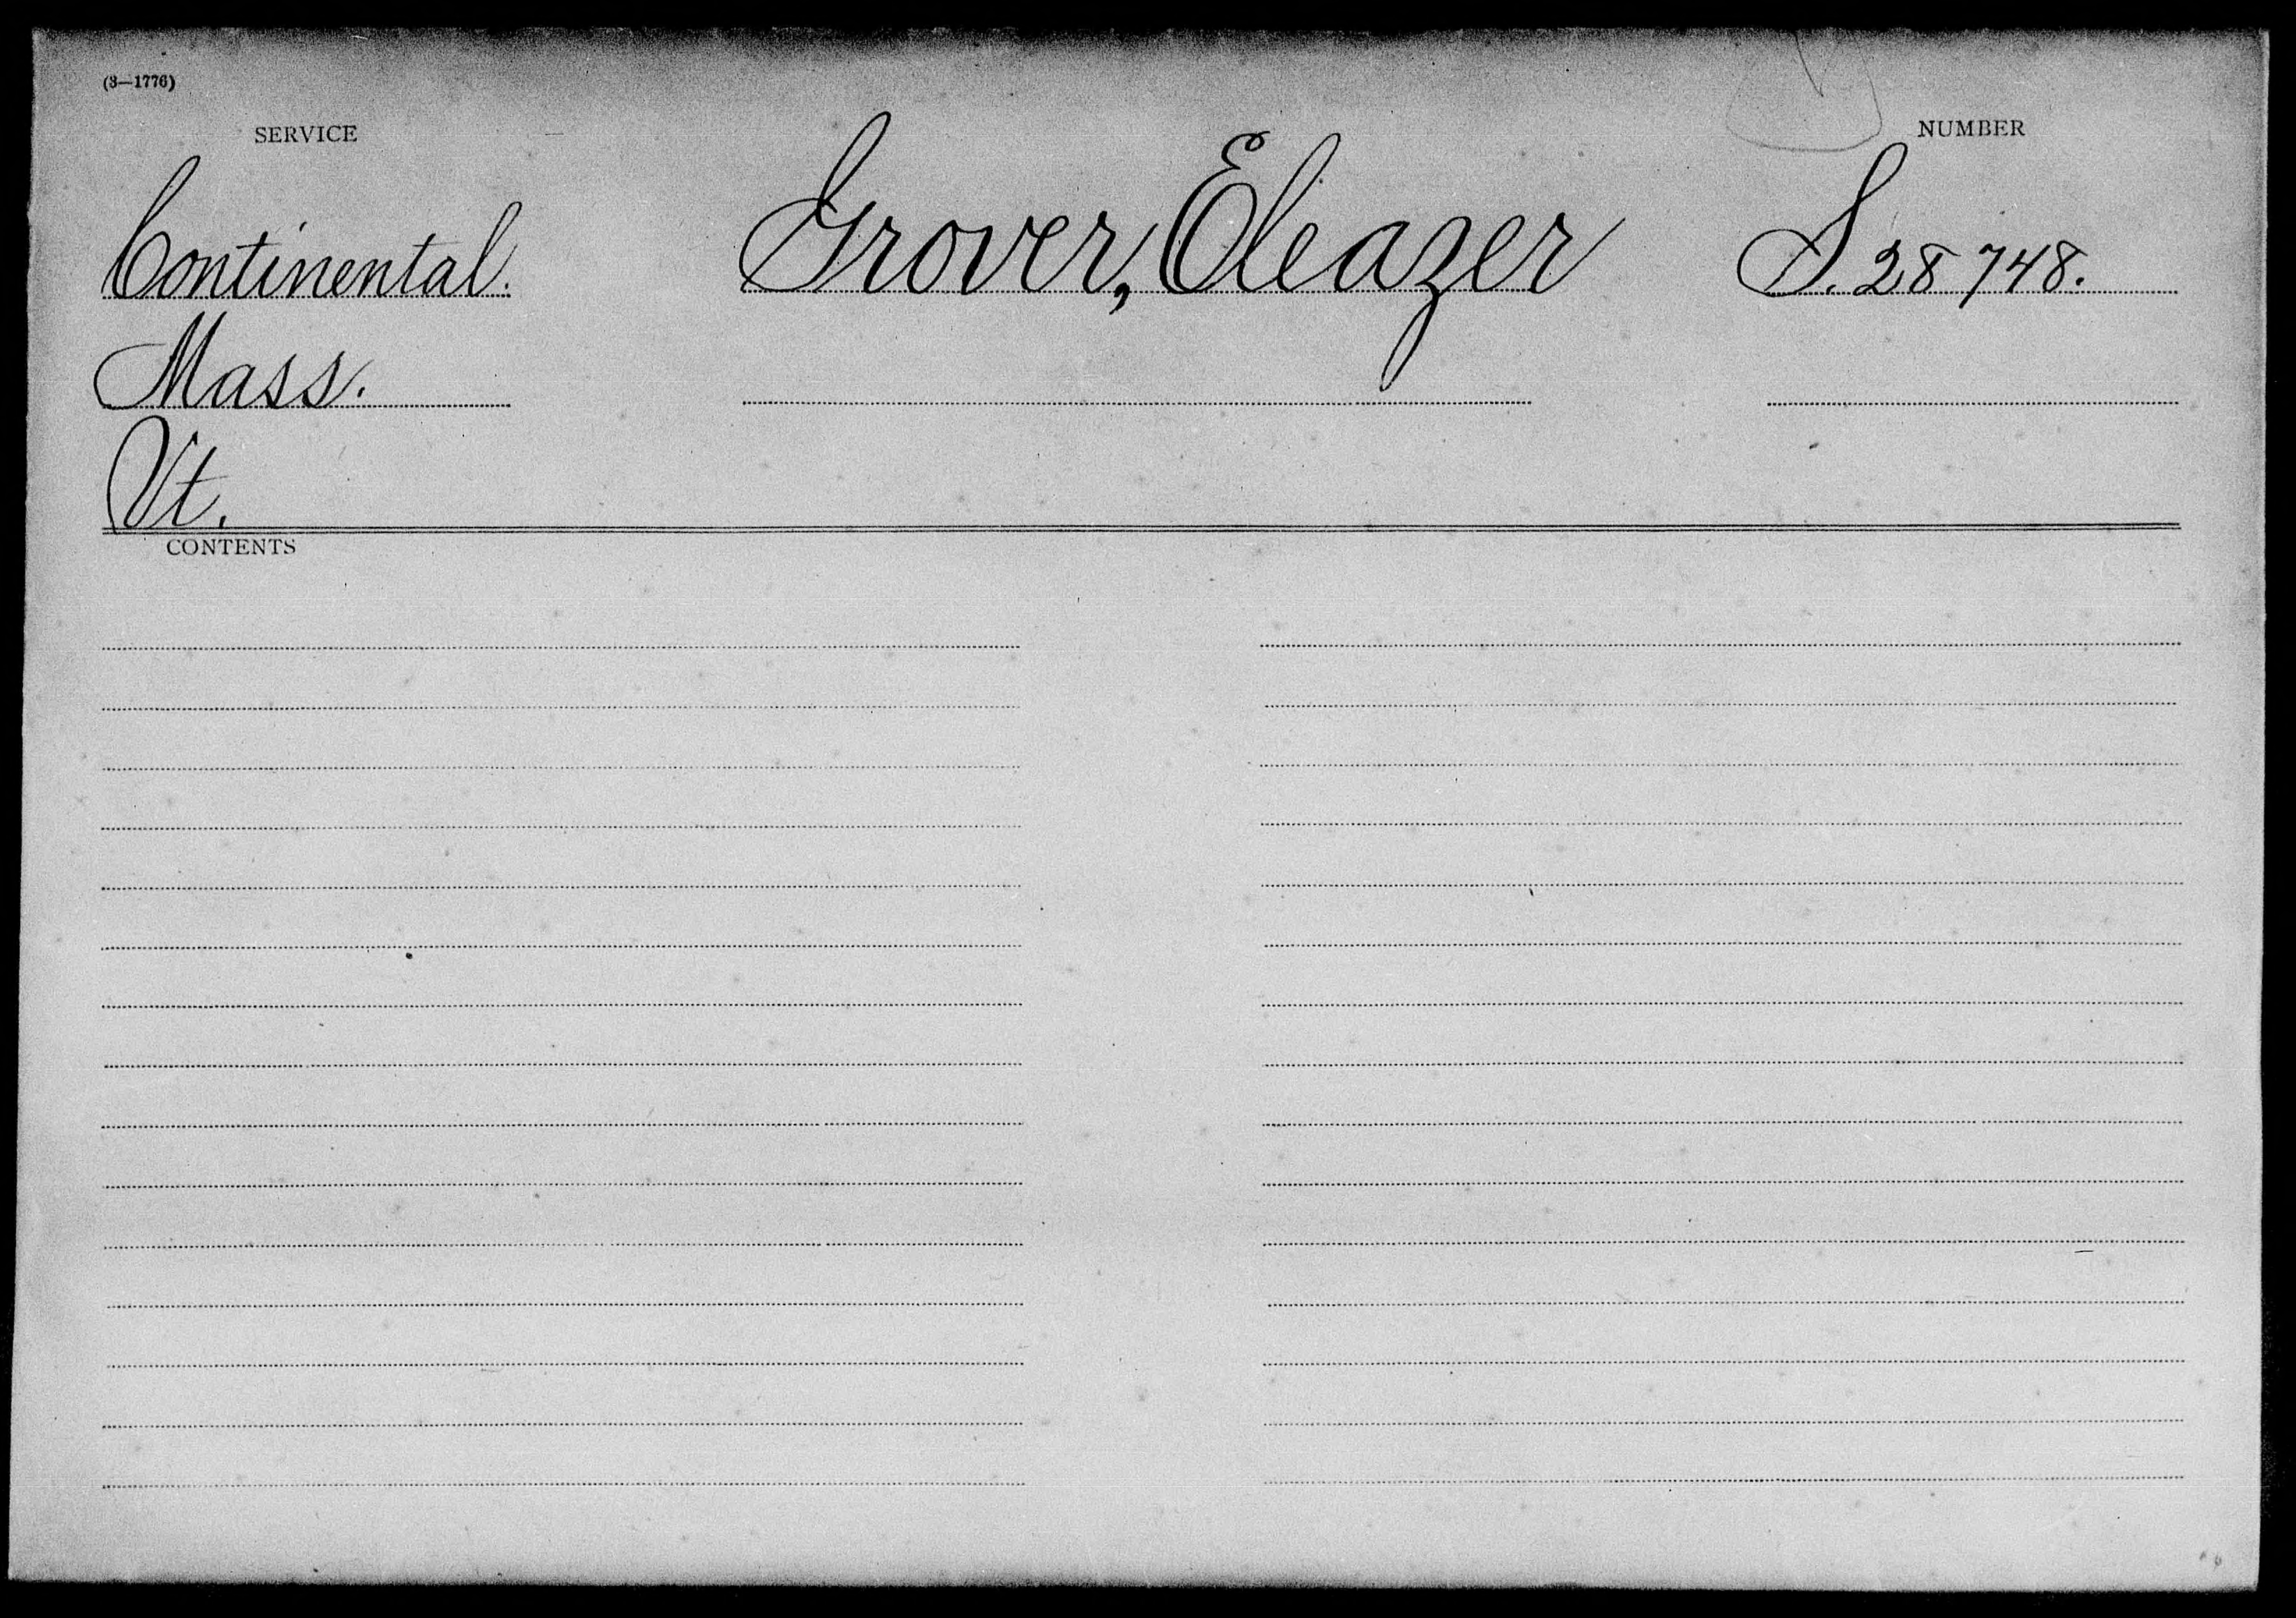(3-1776)
[column headings: SERVICE|[blank]|NUMBER|]
Continental|Grover,Eleazer|S.28748.|
Mass.|[blank]|[blank]|
Vt.|[blank]|[blank]|
[end of columns]
CONTENTS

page: 1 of 43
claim: survivor's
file: S. 28748, Eleazer Grover, Continental Mass. Vt.